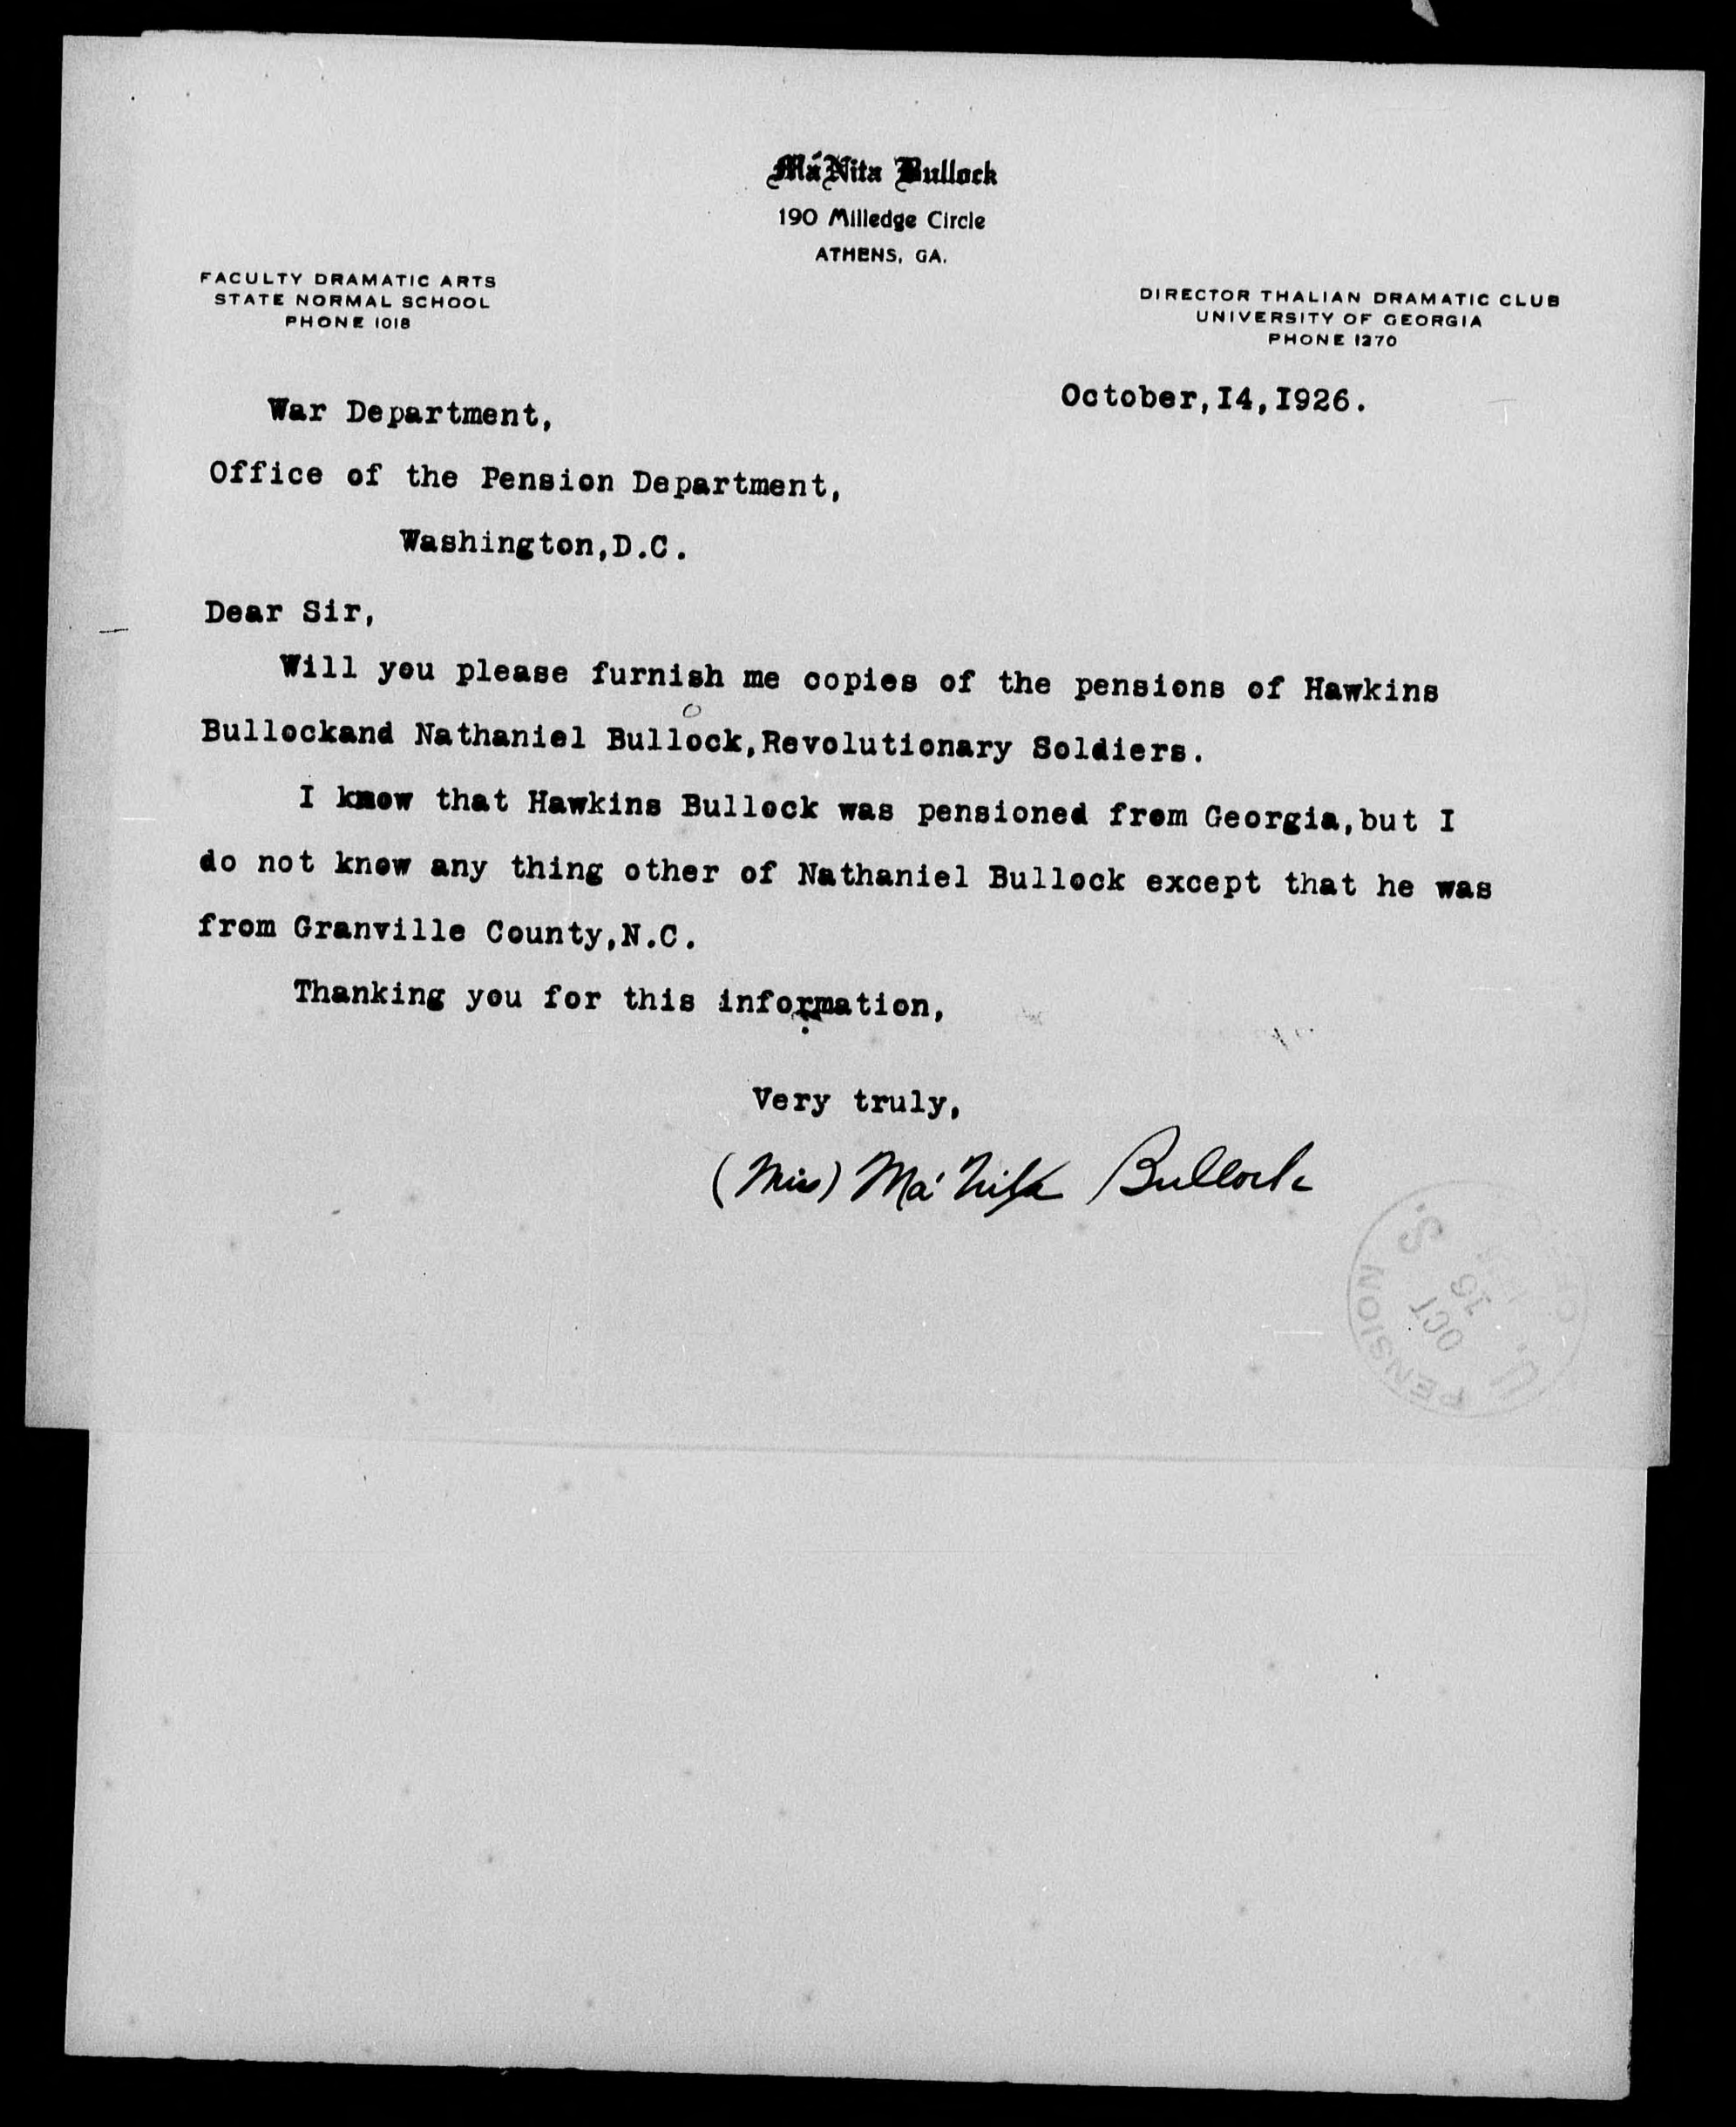MaNita Bullock
190 Milledge Circle
ATHENS, GA.

FACULTY DRAMATIC ARTS
STATE NORMAL SCHOOL
PHONE 1018

DIRECTOR THALIAN DRAMATIC CLUB
UNIVERSITY OF GEORGIA
PHONE 1270

October 14, 1926.

War Department,
Office of the Pension Department,
Washington, D. C.

Dear Sir,
Will you please furnish me copies of the pensions of Hawkins Bullock and Nathaniel Bullock, Revolutionary Soldiers.
I knew that Hawkins Bullock was pensioned from Georgia, but I do not know any thing other of Nathaniel Bullock except that he was from Granville County, N.C.
Thanking you for this information,
Very truly,
(Miss) MaNita Bullock

[stamp] U.S. PENSION OFFICE OCT 16 1926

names: Hawkins Bullock, Ma Nita Bullock, Nathaniel Bullock, Ma Nita Bullock, Nathaniel Bullock, Hawkins Bullock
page: 18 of 24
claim: survivor's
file: S. 31,586, Hawkins Bullock, S.C.